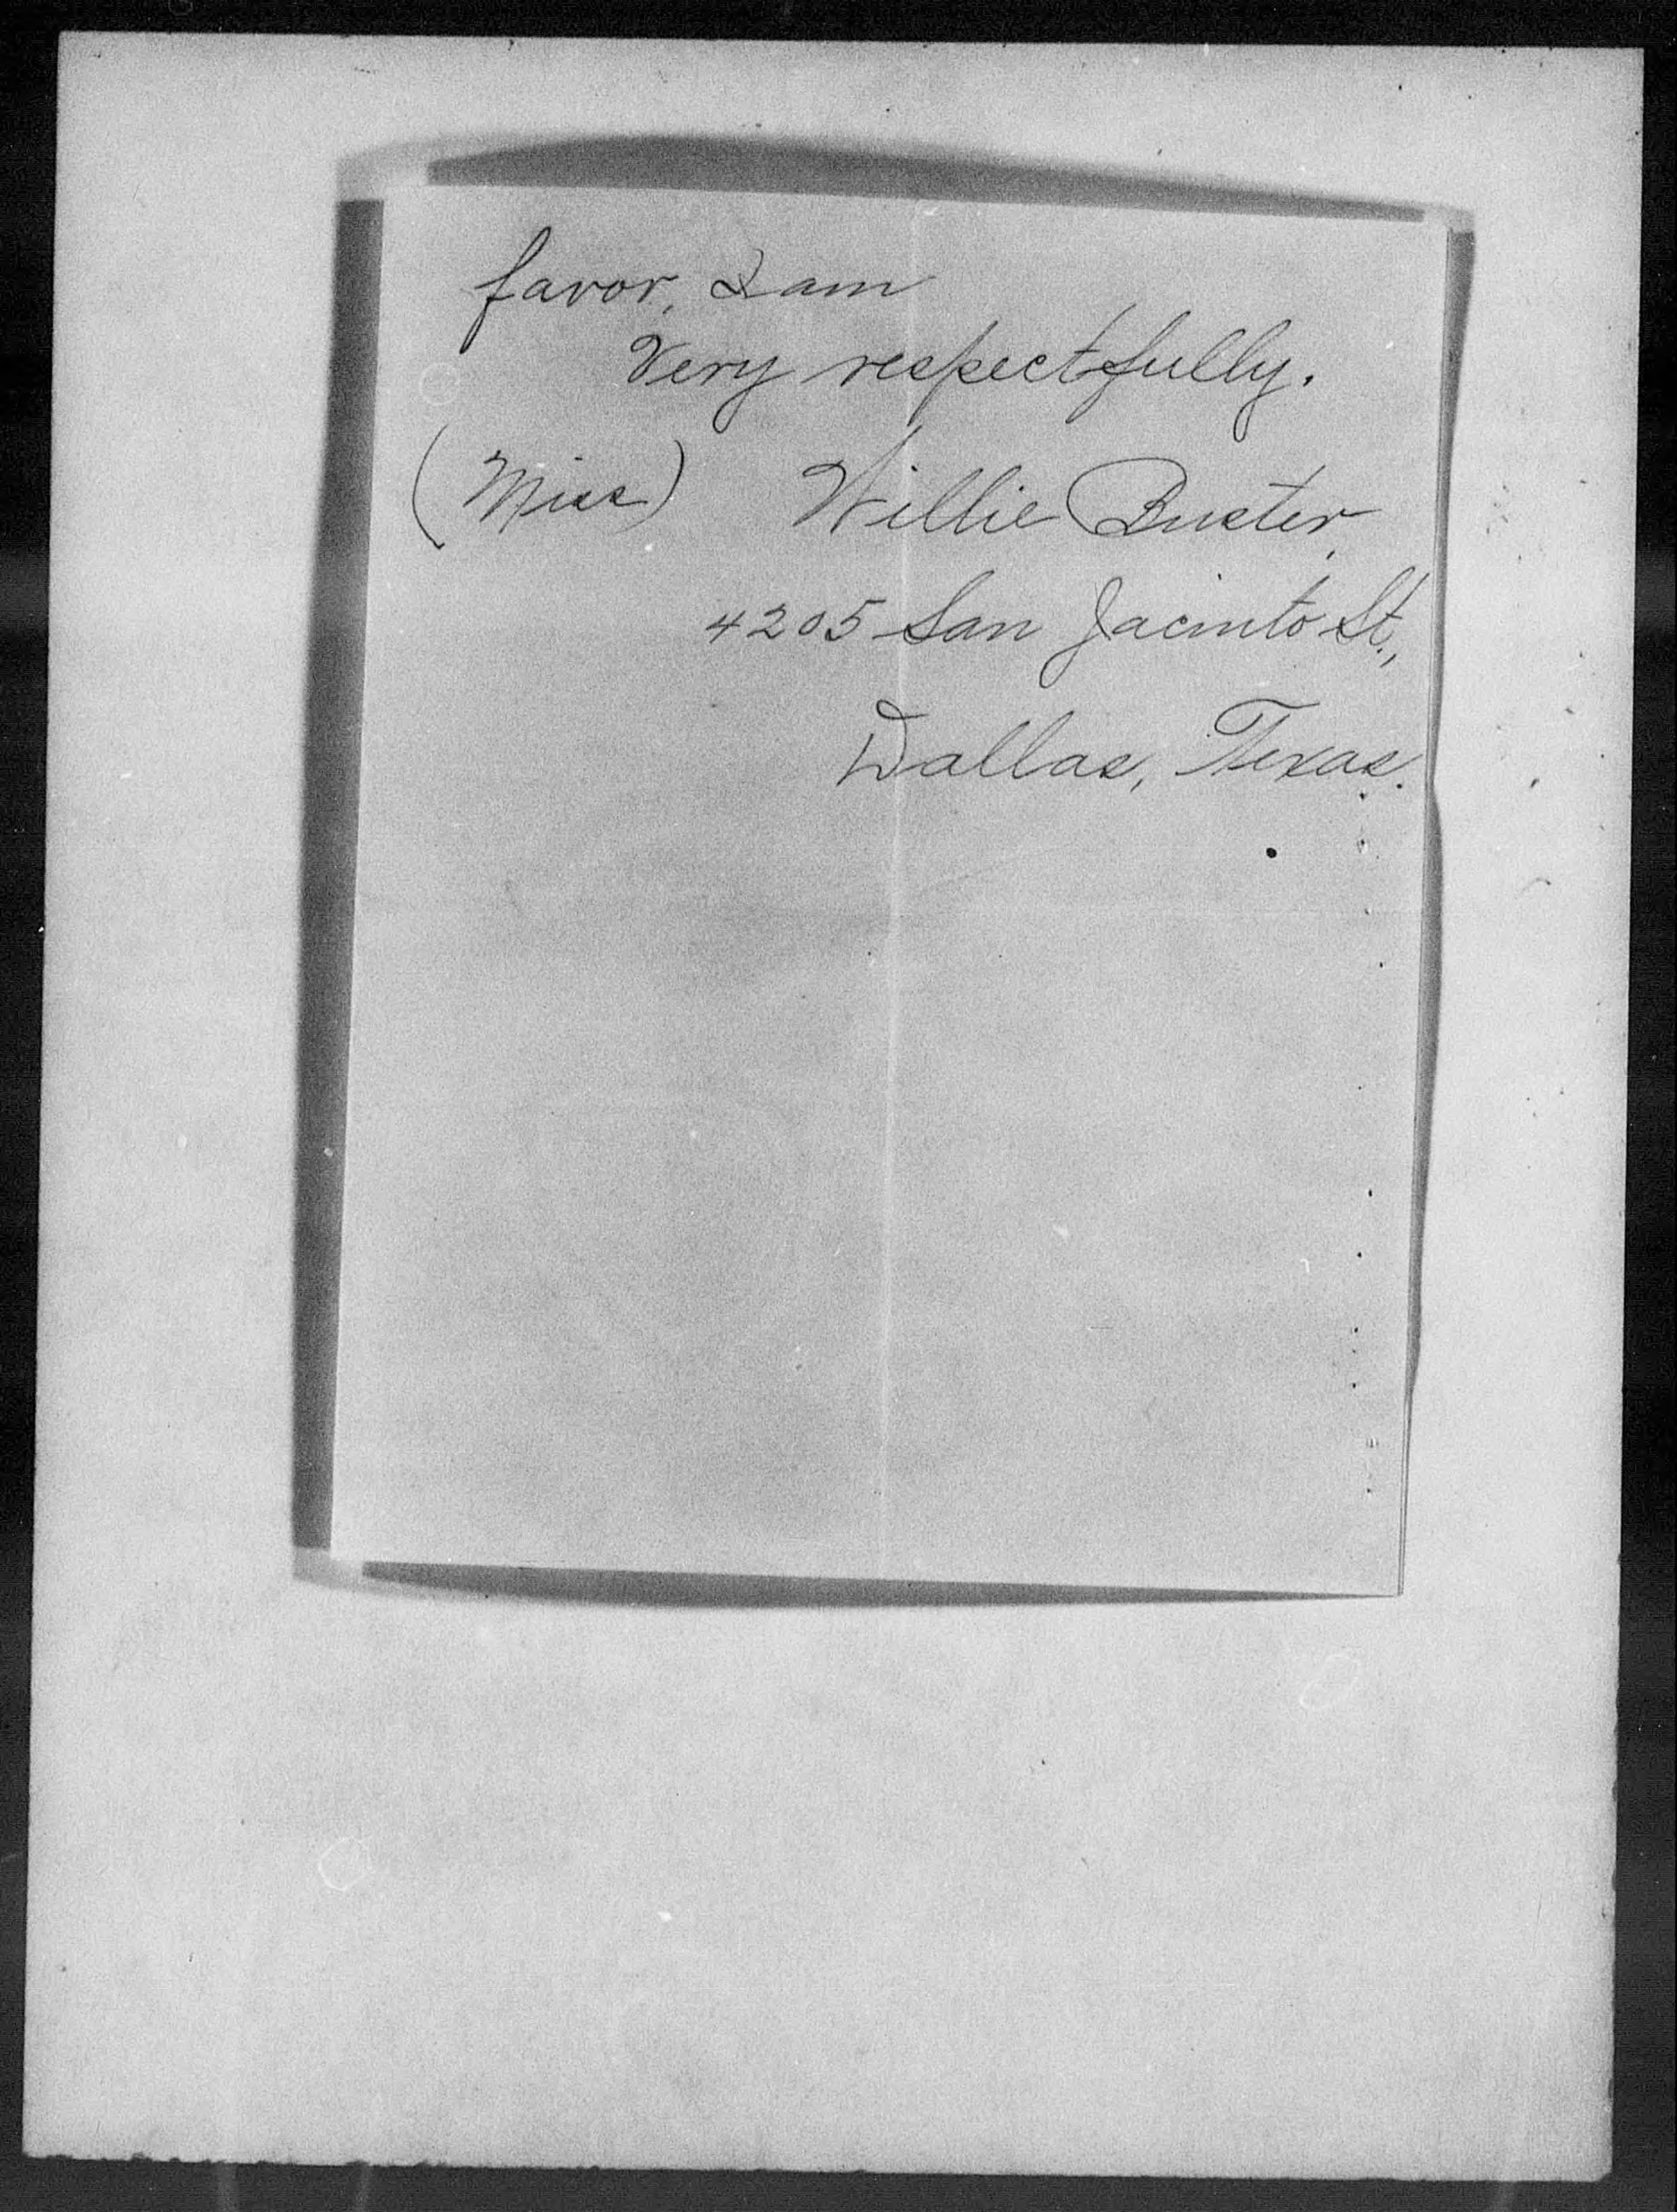favor, I am respectfully,

(Miss) Willie Buster
4205 San Jacinto St.,
Dallas, Texas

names: Willie Buster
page: 60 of 71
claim: widow's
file: W. 25310, Claudius Buster, Va.